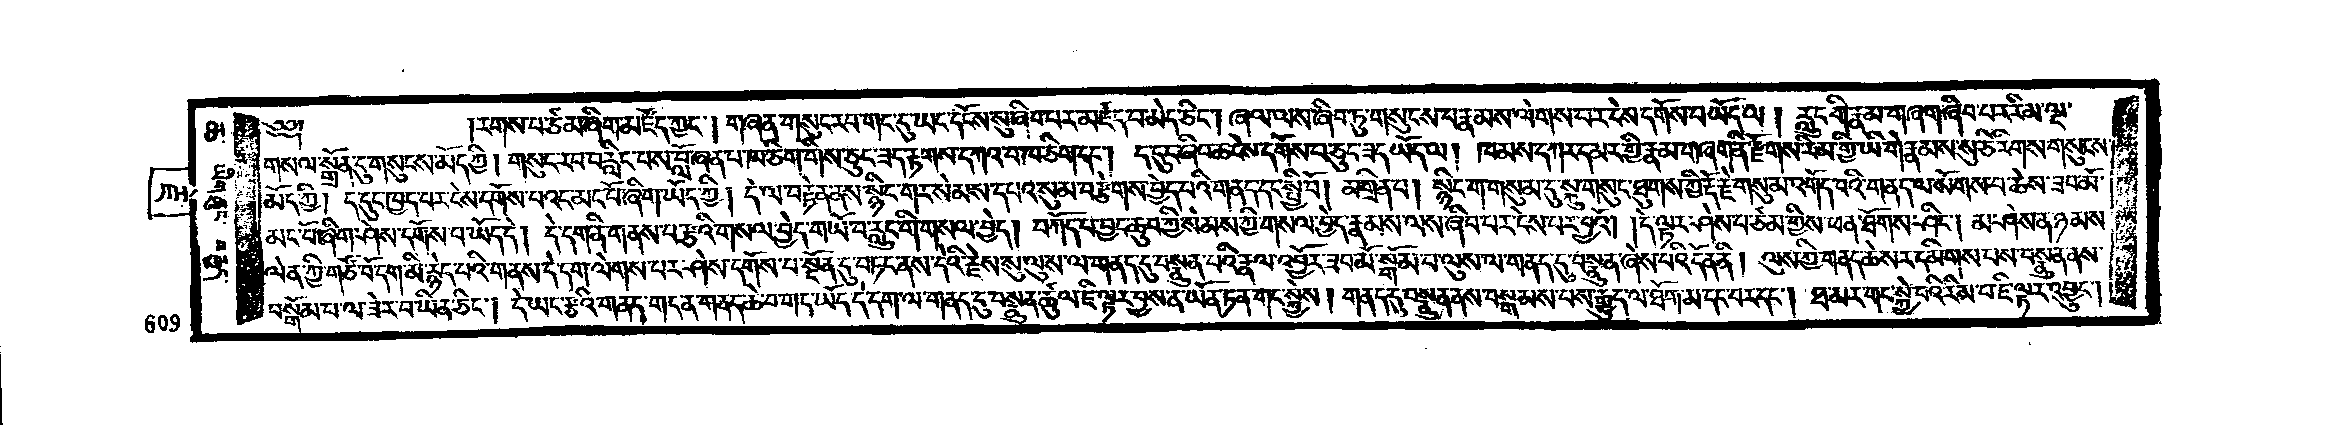༄༅། །རགས་པ་ཙམ་ཞིག་མཛད་ཀྱང་། གཞན་གསུང་རབ་གང་དུ་ཡང་དངོས་སུ་ཞིབ་པར་མཛད་པ་མེད་ཅིང་། ཞལ་ལས་ཞིབ་ཏུ་གསུངས་པ་རྣམས་ལེགས་པར་ངེས་དགོས་པ་ཡོད་ལ། རླུང་གི་རྣམ་གཞག་ཞིབ་པར་རིམ་ལྔ་
གསལ་སྒྲོན་དུ་གསུངས་མོད་ཀྱི། གསུང་རབ་བརླིང་པས་བློ་ཞན་པ་ཁ་ཅིག་གིས་ཅུང་ཟད་རྟོགས་དཀའ་བ་ཁ་ཅིག་དང་། ད་དུང་ཞིབ་ཆ་ངེས་དགོས་པ་ཅུང་ཟད་ཡོད་ལ། ཁམས་དཀར་དམར་གྱི་རྣམ་གཞག་ནི་རྫོགས་རིམ་གྱི་ཡི་གེ་རྣམས་སུ་ཅི་རིགས་གསུངས་
མོད་ཀྱི། ད་དུང་ཁྱད་པར་ངེས་དགོས་པའང་མང་པོ་ཞིག་ཡོད་ཀྱི། དེ་ལ་བརྟེན་ནས་སྙིང་གར་སེམས་དཔའ་སུམ་བརྩེགས་བྱེད་པའི་གནད་དང་སྤྱི་བོ། མགྲིན་པ། སྙིང་ག་གསུམ་དུ་སྐུ་གསུང་ཐུགས་ཀྱི་རྡོ་རྗེ་གསུམ་འགོད་པའི་གནད་ལ་སོགས་པ་ཆེས་ཟབ་མོ་
མང་པོ་ཞིག་ཤེས་དགོས་པ་ཡོད་དེ། དེ་དག་གི་གནས་པ་རྩའི་གསལ་བྱེད་གཡོ་བ་རླུང་གསལ་བྱེད། བཀོད་པ་བྱང་ཆུབ་ཀྱི་སེམས་ཀྱི་གསལ་བྱེད་རྣམས་ལས་ཞིབ་པར་ངེས་པར་བྱའོ། །དེ་ལྟར་ཤེས་པ་ཙམ་གྱིས་ཕན་ཐོགས་ཤིང་། མ་ཤེས་ན་ཉམས་
ལེན་ཀྱི་གཙོ་བོ་དག་མི་རྙེད་པའི་གནས་དེ་དག་ལེགས་པར་ཤེས་དགོས་པ་སྔོན་དུ་བཏང་ནས་དེའི་རྗེས་སུ་ལུས་ལ་གནད་དུ་བསྣུན་པའི་རྣལ་འབྱོར་ཟབ་མོ་སྒོམ་པ་ལུས་ལ་གནད་དུ་བསྣུན་ཞེས་པའི་དོན་ནི། ལུས་ཀྱི་གནད་ཆེ་སར་དམིགས་པས་བསྣུན་ནས་
བསྒོམ་པ་ལ་ཟེར་བ་ཡིན་ཅིང་། དེ་ཡང་རྩའི་གནད་གང་ན་གནད་ཆེ་བ་གང་ཡོད་དེ་དག་ལ་གནད་དུ་བསྣུན་ཚུལ་ཇི་ལྟར་བྱས་ན་ཡོན་ཏན་གང་སྐྱེས། གནད་དུ་བསྣུན་ནས་བསྒོམས་པས་རྒྱུད་ལ་ཐོག་མ་དང་བར་དང་། ཐ་མར་གང་སྐྱེ་བའི་རིམ་པ་ཇི་ལྟར་འབྱུང་།